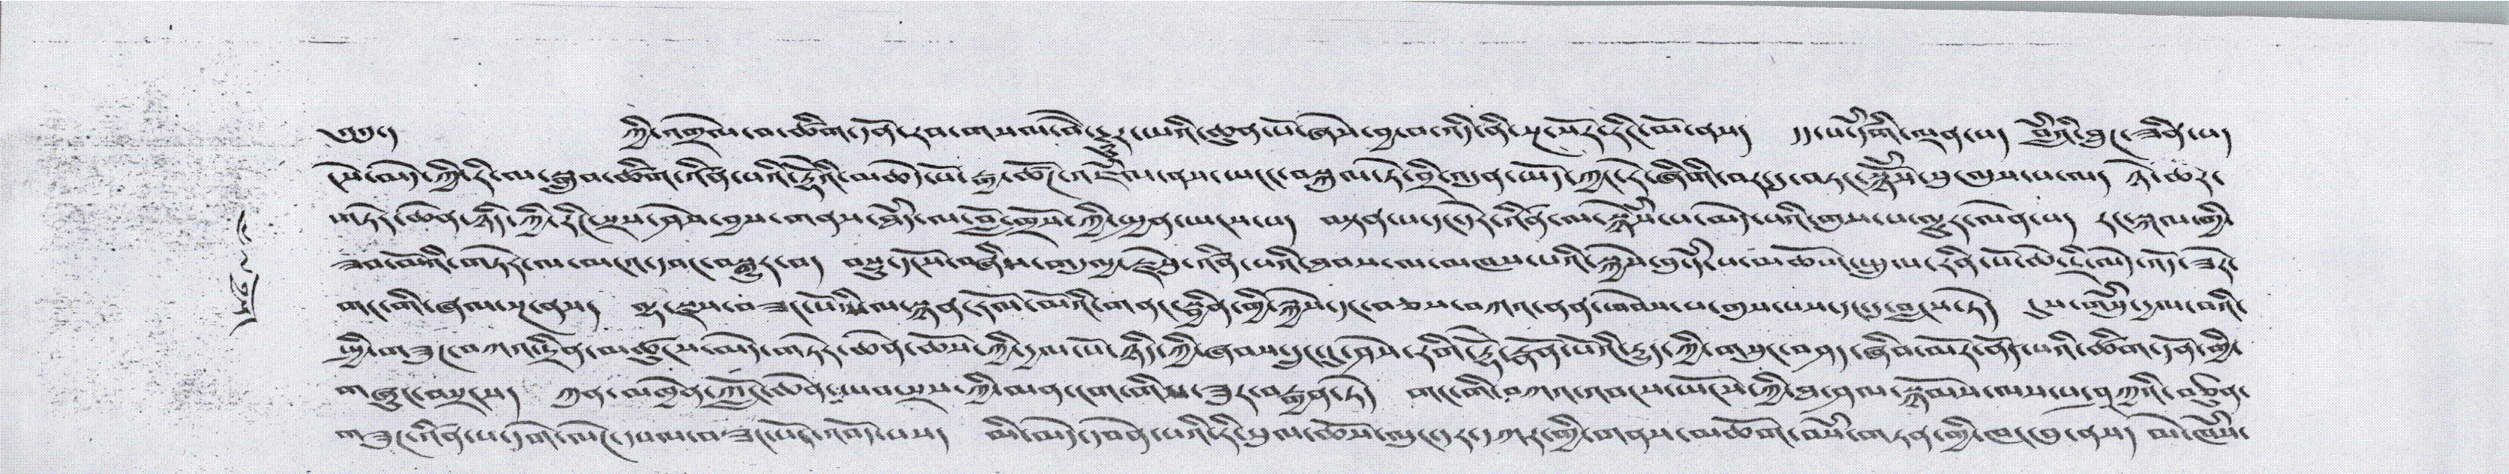ཀྱི་འགྲེལ་བ་ཚིག་དོན་རབ་གསལ་བཻཌཱུར་ཡའི་ཆུན་པོ་ཞེས་བྱ་བ་འདི་ནི་སྔ་སོར་རིང་མོ་ནས། དད་པ་དམ་ཚིག་ལྡན་པ། བླ་མའི་ཐུགས་ཟིན་པ། 
ངེས་མེད་ཀྱི་རི་ལ་སྒྲུབ་ཚིག་འཛིན་པའི་རྡོ་རྗེའི་མཆེད་པོ་རྒྱ་མཚོགས་འཇམ་དཔལ་ནས་ཡང་ཡང་བསྐུལ་ཏེ་བྲི་འདུན་ཡོད་ཀྱང་རེ་ཞིག་གི་བར་དུ་བཏང་སྙོམས་སུ་ལུས་པ་ལ། ཉེ་ཆར་
གཏེར་ཆེན་ཉིད་ཀྱི་རིང་སྲས་ཤེས་བྱས་གནས་ཐམས་ཅད་ལ་བློ་གྲོས་ཀྱི་སྤྱན་ཡངས་པ། བསྟན་པ་དང་དེར་འཛིན་ལ་སྙེམས་པ་མེད་པའི་གུས་པ་ལྷུར་ལེན་པ། རང་སྐལ་གྱི་
ཟབ་མོའི་གཏེར་ལ་མངའ་དབང་བསྒྱུར་བ། བསྡུ་དངོས་བཞིས་གདུལ་བྱ་རྗེས་སུ་འཛིན་པའི་ཐབས་ལ་མཁས་པའི་སྐྱེས་བུ་དམ་པ་མཆོག་སྤྲུལ་རིན་པོ་ཆེ་དྲི་མེད་འོད་ཟེར་
གང་གི་ཞལ་སྔ་ནས། ལྷ་རྫས་བཟང་པོ་སིལ་སྙན་རོལ་མོའི་གནང་སྦྱིན་གྱི་སྐྱེས་དང་བཅས་བཀའ་ནན་ཕེབས་པ་གུས་པས་དང་དུ་བླངས་ཏེ། དུས་གསུམ་རྒྱལ་བའི་
སྤྱི་གཟུགས་བཀའ་དྲིན་མཚུངས་མེད་གཏེར་ཆེན་ཆོས་ཀྱི་རྒྱལ་པོ་ཉིད་ཀྱི་ཞབས་དྲུང་དུ་ཤེས་རིག་རྡོ་རྗེ་རྣོན་པོའི་རྒྱུད་ཀྱི་གསུང་བཤད་ཞིབ་མོར་ནོད་པའི་ཚིག་དོན་གྱི་
གཞུང་བསྲངས། ཀུན་མཁྱེན་ཀློང་ཆེན་པ་ཡབ་སྲས་ཀྱི་མན་ངག་གིས་ཟུར་བརྒྱན་ཏེ། གང་གི་བཀའ་འབངས་ཡོངས་ཀྱི་ཐ་ཤལ་སྙོམས་ལས་པ་ཤཱཀྱའི་བཙུན་
གཟུགས་འཛིན་པ་དགེ་ལེགས་དཔལ་བཟང་པོར་འབོད་པས། མི་མེད་དབེན་པའི་རི་སུལ་ཆོས་ལུང་དར་དཀར་གྱི་གནས་མཆོག་བསམ་གཏན་གྱི་ཁང་བུ་ནས། མེ་ཁམས་